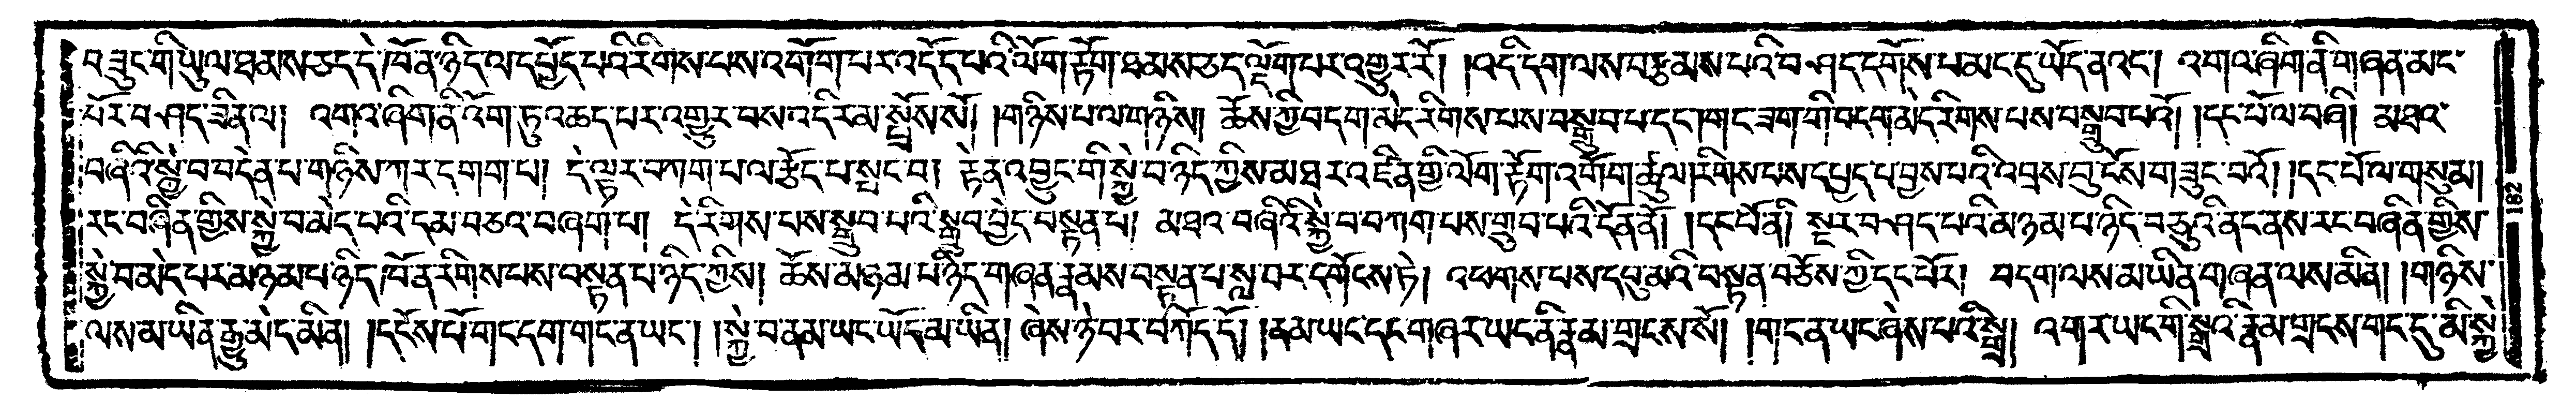བཟུང་གི་ཡུལ་ཐམས་ཅད་དེ་ཁོ་ན་ཉིད་ལ་དཔྱོད་པའི་རིགས་པས་འགོག་པར་འདོད་པའི་ལོག་རྟོག་ཐམས་ཅད་ལྡོག་པར་འགྱུར་རོ། །འདི་དག་ལས་བརྩམས་པའི་བཤད་དགོས་པ་མང་དུ་ཡོད་ནའང་། འགའ་ཞིག་ནི་གཞན་མང་
པོར་བཤད་ཟིན་ལ། འགའ་ཞིག་ནི་འོག་ཏུ་འཆད་པར་འགྱུར་བས་འདིར་མ་སྤྲོས་སོ། །གཉིས་པ་ལ་གཉིས། ཆོས་ཀྱི་བདག་མེད་རིགས་པས་བསྒྲུབ་པ་དང་། གང་ཟག་གི་བདག་མེད་རིགས་པས་བསྒྲུབ་པའོ། །དང་པོ་ལ་བཞི། མཐའ་
བཞིའི་སྐྱེ་བ་བདེན་པ་གཉིས་ཀར་དགག་པ། དེ་ལྟར་བཀག་པ་ལ་རྩོད་པ་སྤང་བ། རྟེན་འབྱུང་གི་སྐྱེ་བ་ཉིད་ཀྱིས་མཐར་འཛིན་གྱི་ལོག་རྟོག་འགོག་ཚུལ། རིགས་པས་དཔྱད་པ་བྱས་པའི་འབྲས་བུ་ངོས་གཟུང་བའོ། །དང་པོ་ལ་གསུམ།
རང་བཞིན་གྱིས་སྐྱེ་བ་མེད་པའི་དམ་བཅའ་བཞག་པ། དེ་རིགས་པས་སྒྲུབ་པའི་སྒྲུབ་བྱེད་བསྟན་པ། མཐའ་བཞིའི་སྐྱེ་བ་བཀག་པས་གྲུབ་པའི་དོན་ནོ། །དང་པོ་ནི། སྔར་བཤད་པའི་མཉམ་པ་ཉིད་བཅུའི་ནང་ནས་རང་བཞིན་གྱིས་
སྐྱེ་བ་མད་པར་མཉམ་པ་ཉིད་ཁོ་ན་རིགས་པས་བསྟན་པ་ཉིད་ཀྱིས། ཆོས་མཉམ་པ་ཉིད་གཞན་རྣམས་བསྟན་པ་སླ་བར་དགོངས་ཏེ། འཕགས་པས་དབུ་མའི་བསྟན་བཅོས་ཀྱི་དང་པོར། བདག་ལས་མ་ཡིན་གཞན་ལས་མིན། །གཉིས་
ལས་མ་ཡིན་རྒྱུ་མེད་མིན། །དངོས་པོ་གང་དག་གང་ན་ཡང་། །སྐྱེ་བ་ནམ་ཡང་ཡོད་མ་ཡིན། ཞེས་ཉེ་བར་བཀོད་དོ། །ནམ་ཡང་དང་གཞར་ཡང་ནི་རྣམ་གྲངས་སོ། །གང་ན་ཡང་ཞེས་པའི་སྒྲ། འགར་ཡང་གི་སྒྲའི་རྣམ་གྲངས་གང་དུ་མི་སྐྱེ་